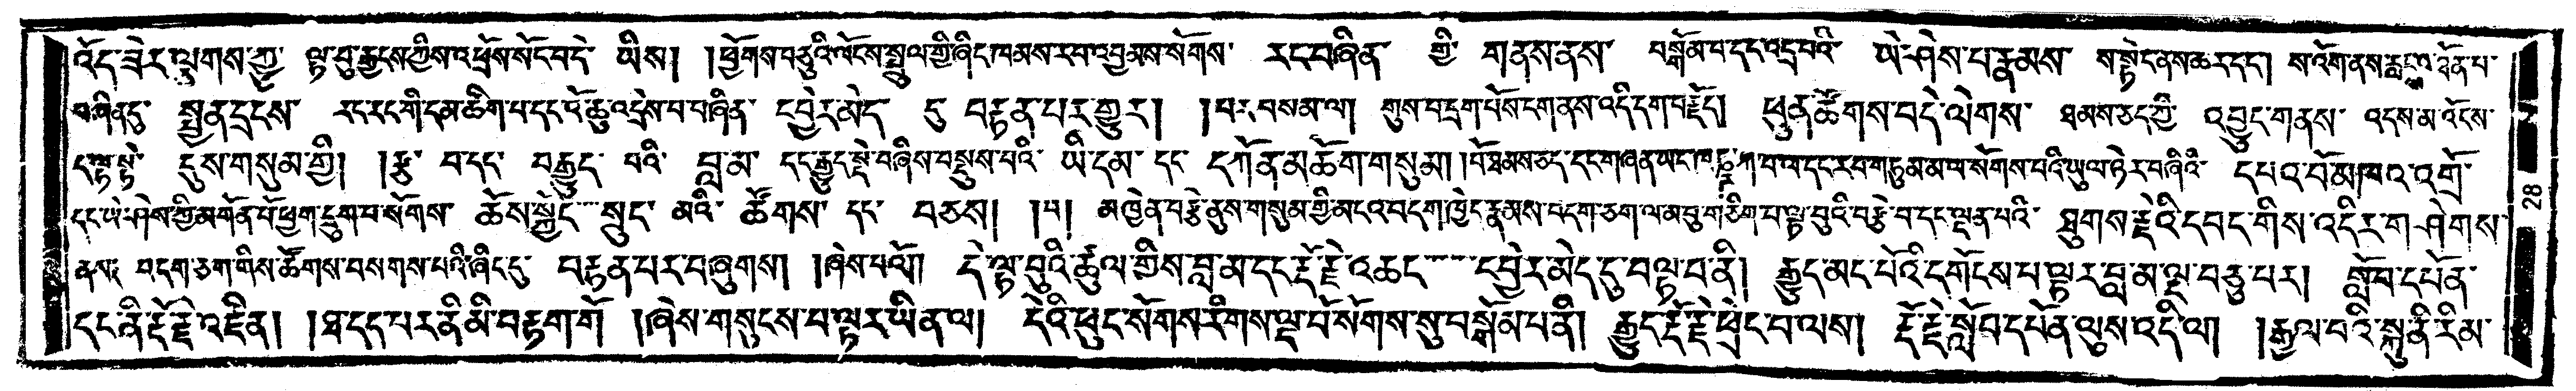འོད་ཟེར་ལྕགས་ཀྱུ་ལྟ་བུ་རྐྱངས་ཀྱིས་འཕྲོས་སོང་བ་དེ་ཡིས། །ཕྱོགས་བཅུའི་ལོངས་སྤྲུལ་གྱི་ཞིང་ཁམས་རབ་འབྱམས་སོགས་རང་བཞིན་གྱི་གནས་ནས་བསྒོམ་པ་དང་འདྲ་བའི་ཡེ་ཤེས་པ་རྣམས་ས་སྟེང་ནས་ཆར་དང་། ས་འོག་ནས་རླངས་འཐོན་པ་
བཞིན་དུ་སྤྱན་དྲངས་རང་རང་གི་དམ་ཚིག་པ་དང་འོ་ཆུ་འདྲེས་པ་བཞིན་དབྱེར་མེད་དུ་བརྟན་པར་གྱུར། །བར་བསམ་ལ། གུས་པ་དྲག་པོས་ངག་ནས་འདི་དག་བརྗོད། ཕུན་ཚོགས་བདེ་ལེགས་ཐམས་ཅད་ཀྱི་འབྱུང་གནས་འདས་མ་འོངས་
ད་ལྟ་སྟེ་དུས་གསུམ་གྱི། །རྩ་བ་དང་བརྒྱུད་པའི་བླ་མ་དང་རྒྱུད་སྡེ་བཞིས་བསྡུས་པའི་ཡི་དམ་དང་དཀོན་མཆོག་གསུམ། །བོ་ཐམས་ཅད་དང་གཞན་ཡང་ཁཎྜ་ཀ་བ་ལ་དང་རབ་གཏུམ་མ་ལ་སོགས་པའི་ཡུལ་ཉེར་བཞིའི་དཔའ་བོ་མཁའ་འགྲོ་
དང་ཡེ་ཤེས་ཀྱི་མགོན་པོ་ཕྱག་དྲུག་པ་སོགས་ཆོས་སྐྱོང་སྲུང་མའི་ཚོགས་དང་བཅས། །པ། མཁྱེན་བརྩེ་ནུས་གསུམ་གྱི་མངའ་བདག་ཁྱེད་རྣམས་བདག་ཅག་ལ་མ་བུ་གཅིག་པ་ལྟ་བུའི་བརྩེ་བ་དང་ལྡན་པའི་ཐུགས་རྗེའི་དབང་གིས་འདིར་གཤེགས་
ནས༑ བདག་ཅག་གིས་ཚོགས་བསགས་པའི་ཞིང་དུ་བརྟན་པར་བཞུགས། །ཞེས་པའོ།། དེ་ལྟ་བུའི་ཚུལ་གྱིས་བླ་མ་དང་རྡོ་རྗེ་འཆང་དབྱེར་མེད་དུ་བལྟ་བ་ནི། རྒྱུད་མང་པོའི་དགོངས་པ་ལྟར་བླ་མ་ལྔ་བཅུ་པར། སློབ་དཔོན་
དང་ནི་རྡོ་རྗེ་འཛིན། །ཐ་དད་པར་ནི་མི་བརྟག་གོ །ཞེས་གསུངས་པ་ལྟར་ཡིན་ལ། དེའི་ཕུང་སོགས་རིགས་ལྔ་པོ་སོགས་སུ་བསྒོམ་པ་ནི། རྒྱུད་རྡོ་རྗེ་ཕྲེང་བ་ལས། རྡོ་རྗེ་སློབ་དཔོན་ལུས་འདི་ལ། །རྒྱལ་བའི་སྐུ་ནི་རིམ་